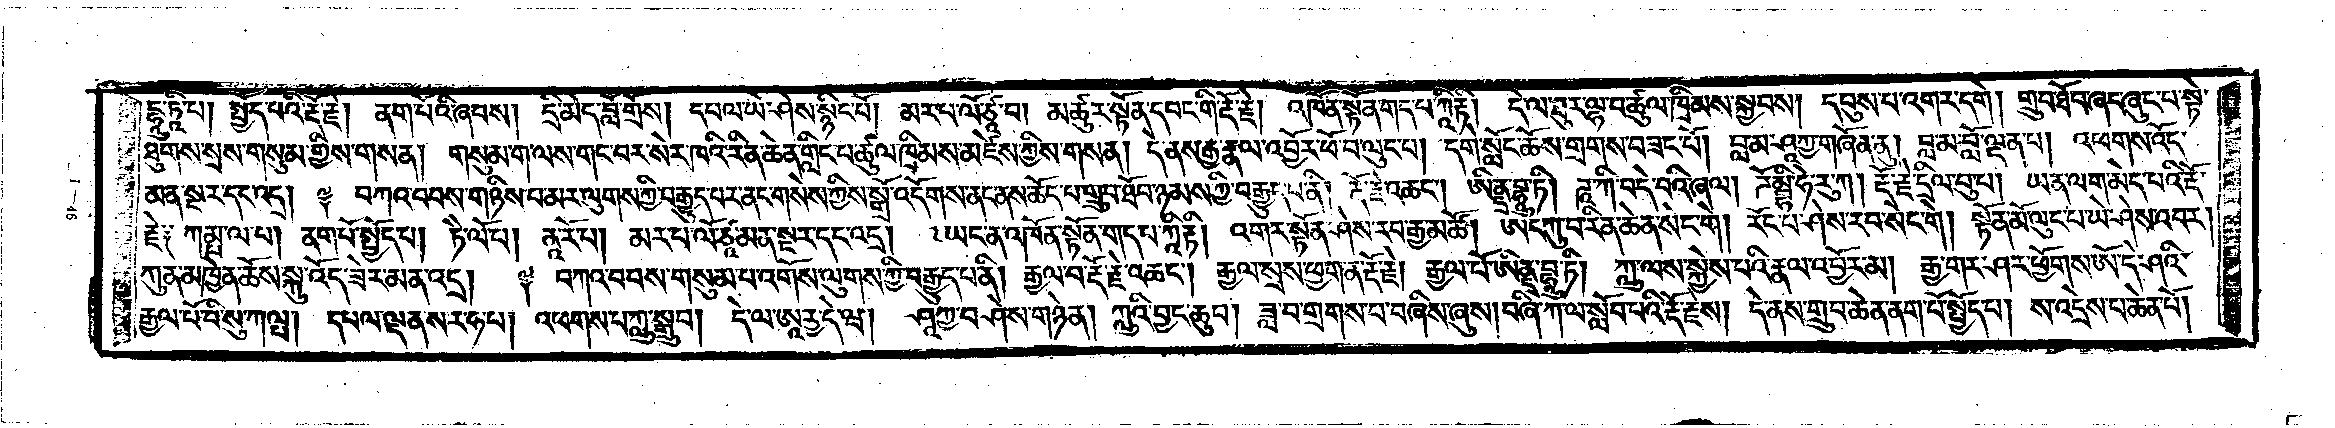དྷཱུ་ཏཱི་པ། སྤྱོད་པའི་རྡོ་རྗེ། ནག་པོའི་ཞབས། དྲི་མེད་བློ་གྲོས། དཔལ་ཡེ་ཤེས་སྙིང་པོ། མར་པ་ལོ་ཙཱ་བ། མཚུར་སྟོན་དབང་གི་རྡོ་རྗེ། འཁོ་ན་སྟོན་གད་པ་ཀཱིརྟི། དེ་ལ་ཐུར་ལྷ་བ་ཚུལ་ཁྲིམས་སྐྱབས། དབུས་པ་འགར་དགེ། གྲུབ་ཐོབ་ཞང་ཞུང་པ་སྟེ་
ཐུགས་སྲས་གསུམ་གྱིས་གསན། གསུམ་ག་ལས་གང་བར་སེར་ཁའི་རིན་ཆེན་གླིང་པ་ཚུལ་ཁྲིམས་མཛེས་ཀྱིས་གསན། དེ་ནས་རྒྱ་རྣལ་འབྱོར་ཕོ་བ་ལུང་པ། དགེ་སློང་ཆོས་གྲགས་བཟང་པོ། བླ་མ་ཤཱཀྱ་གཞོན་ནུ། བླ་མ་བློ་ལྡན་པ། འཕགས་འོད་
མན་སྔར་དང་འདྲ། འ་བཀའ་བབས་གཉིས་པ་མར་ལུགས་ཀྱི་བརྒྱུད་པར་ནང་གསེགས་ཀྱིས་སྒྲོ་འདོགས་ནང་ནས་ཆོད་པ་གྲུབ་ཐོབ་ཉམས་ཀྱི་བརྒྱུད་པ་ནི། རྡོ་རྗེ་འཆང་། ཨིནྡྲ་བྷཱུ་ཏི། ཌཱ་ཀི་བདེ་བའི་ཞལ། ཌོམྦྷི་ཧེ་རུ་ཀ། རྡོ་རྗེ་དྲིལ་བུ་པ། ཡན་ལག་མེད་པའི་རྡོ་
རྗེ༑ པམཔ་ལ་པ། ནག་པོ་སྤྱོད་པ། ཏཻ་ལོ་པ། ནཱ་རོ་པ། མར་པ་ལོ་ཙཱ་མན་སྔར་དང་འདྲ། ཡང་ན་འཁོང་སྟོན་གད་པ་ཀཱིརྟི། འགར་སྟོན་ཤེས་རབ་རྒྱ་མཚོ། ཨང་ཀུ་བ་རིན་ཆེན་སེང་གེ། རོང་པ་ཤེས་རབ་སེང་གེ། སྟོན་མོ་ལུང་པ་ཡེ་ཤེས་འབར་
ཀུན་མཁྱེན་ཆོས་སྐུ་འོད་ཟེར་མན་འདྲ། འ་བཀའ་བབས་གསུམ་པ་འགོས་ལུགས་ཀྱི་བརྒྱུད་པ་ནི། རྒྱལ་བ་རྡོ་རྗེ་འཆང་། རྒྱལ་སྲས་ཕྱག་ན་རྡོ་རྗེ། རྒྱལ་པོ་ཨིནྡྲ་བྷཱུ་ཏི། ཀླུ་ལས་སྐྱེས་པའི་རྣལ་འབྱོར་མ། རྒྱ་གར་ཤར་ཕྱོགས་ཨོ་དེ་ཤའི་
རྒྱལ་པོའི་སུ་ཀལྤ། དཔལ་ལྡན་སར་ཧ་པ། འཕགས་པ་ཀླུ་སྒྲུབ། དེ་ལ་ཨཱརྱ་དེ་ཝ། ཤཱཀྱ་བཤེས་གཉེན། ཀླུའི་བྱང་ཆུབ། ཟླ་བ་གྲགས་པ་བཞིས་ཞུས། བཞི་ཀ་ལ་སློབ་པའི་རྡོ་རྗེས། དེ་ནས་གྲུབ་ཆེན་ནག་པོ་སྤྱོད་པ། ས་འདྲེས་པ་ཆེན་པོ།